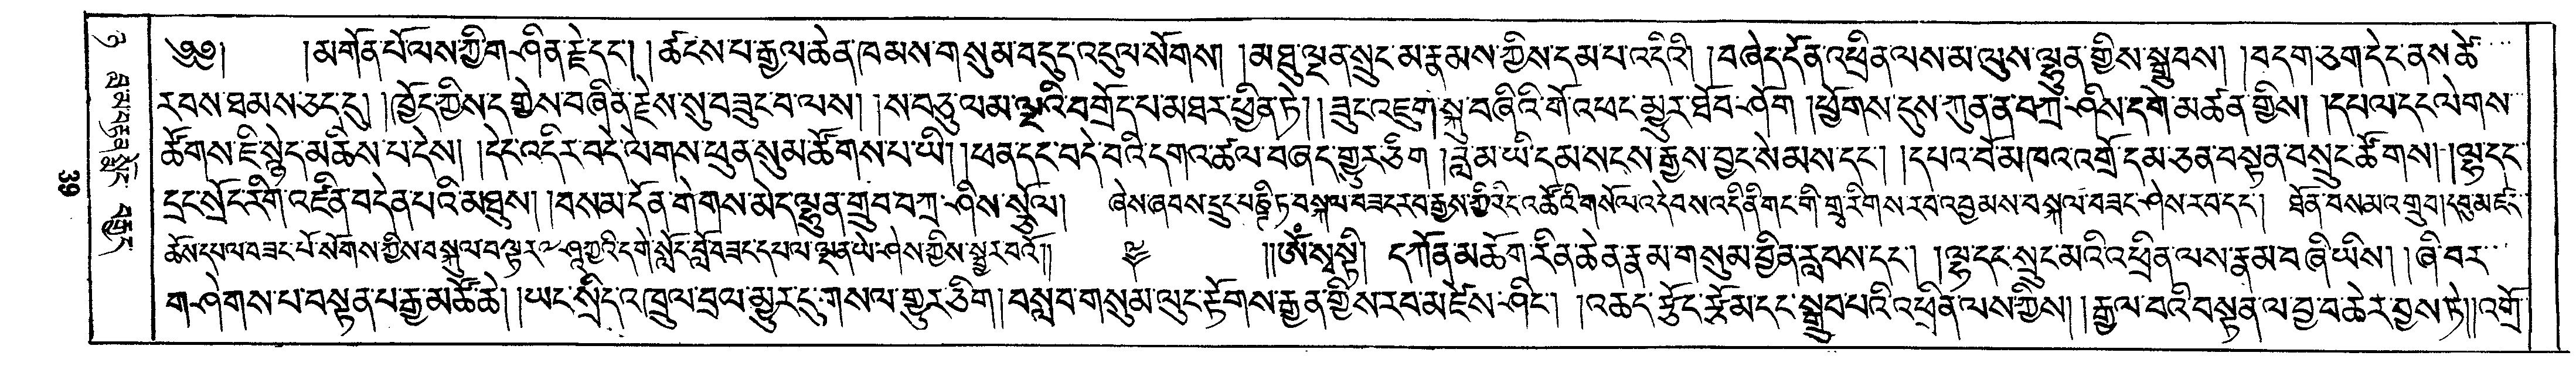༄༅། །མགོན་པོ་ལས་ཀྱི་གཤིན་རྗེ་དང་། །ཚངས་པ་རྒྱལ་ཆེན་ཁམས་གསུམ་བདུད་འདུལ་སོགས། །མཐུ་ལྡན་སྲུང་མ་རྣམས་ཀྱིས་དམ་པ་འདིའི། །བཞེད་དོན་འཕྲིན་ལས་མ་ལུས་ལྷུན་གྱིས་སྒྲུབས། །བདག་ཅག་དེང་ནས་ཚེ་
རབས་ཐམས་ཅད་དུ། །ཁྱོད་ཀྱིས་དགྱེས་བཞིན་རྗེས་སུ་བཟུང་བ་ལས། །ས་བཅུ་ལམ་ལྔའི་བགྲོད་པ་མཐར་ཕྱིན་ཏེ། །ཟུང་འཇུག་སྐུ་བཞིའི་གོ་འཕང་མྱུར་ཐོབ་ཤོག །ཕྱོགས་དུས་ཀུན་ན་བཀྲ་ཤིས་དགེ་མཚན་གྱིས། །དཔལ་དང་ལེགས་
ཚོགས་ཇི་སྙེད་མཆིས་པ་དེས། །དེང་འདིར་བདེ་ལེགས་ཕུན་སུམ་ཚོགས་པ་ཡི། །ཕན་དང་བདེ་བའི་དགའ་ཆེལ་བཞད་གྱུར་ཅིག །བླ་མ་ཡི་དམ་སངས་རྒྱས་བྱང་སེམས་དང་། །དཔའ་བོ་མཁའ་འགྲོ་དམ་ཅན་བསྟན་བསྲུང་ཚོགས། །ལྷ་དང་
དྲང་སྲོང་རིག་འཛིན་བདེན་པའི་མཐུས། །བསམ་དོན་གེགས་མེད་ལྷུན་གྲུབ་བཀྲ་ཤིས་སྩོལ། ཞེས་ཞབས་དྲུང་པཎྜི་ཏ་བསྐལ་བཟང་རབ་རྒྱས་ཀྱི་རིང་འཚོའི་གསོལ་འདེབས་འདི་ནི་གང་གི་གྲྭ་རིགས་རབ་འབྱམས་བསྐལ་བཟང་ཤེས་རབ་དང་། ཐོན་བསམ་འགྲུབ། དབུ་མཛད་
ཆོས་དཔལ་བཟང་པོ་སོགས་ཀྱིས་བསྐུལ་བ་ལྟར ༧ཤཱཀྱའི་དགེ་སློང་བློ་བཟང་དཔལ་ལྡན་ཡེ་ཤེས་ཀྱིས་སྦྱར་བའོ།། ༈ །།ཨོཾ་སྭ་སྟི། དཀོན་མཆོག་རིན་ཆེན་རྣམ་གསུམ་བྱིན་རླབས་དང་། །ལྷ་དང་སྲུང་མའི་འཕྲིན་ལས་རྣམ་བཞི་ཡིས། །ཞི་བར་
གཤེགས་པ་བསྟན་པ་རྒྱ་མཚོ་ཆེ། །ཡང་སྲིད་འཁྲུལ་བྲལ་མྱུར་དུ་གསལ་གྱུར་ཅིག །བསླབ་གསུམ་ལུང་རྟོགས་རྒྱན་གྱིས་རབ་མཛེས་ཤིང་། །འཆད་རྩོད་རྩོམ་དང་སྒྲུབ་པའི་འཕྲིན་ལས་ཀྱིས། །རྒྱལ་བའི་བསྟན་ལ་བྱ་བ་ཆེར་བྱས་ཏེ། །འགྲོ་